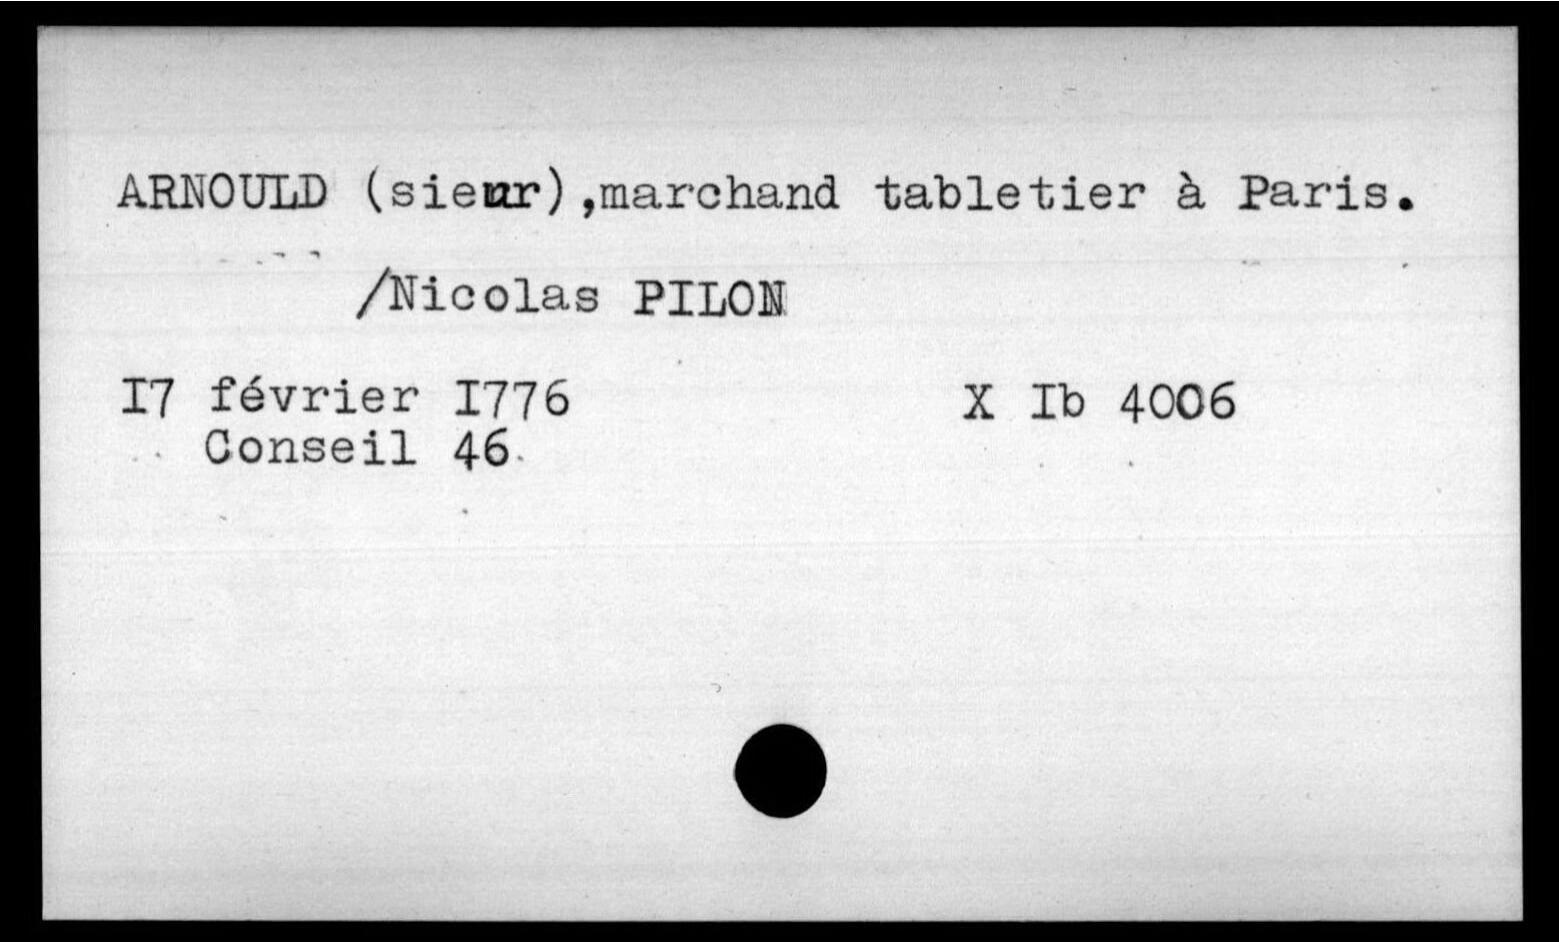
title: ARNOULD (sieur), marchand tabletier à Paris.
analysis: Contre Nicolas PILON
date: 17 février 1776
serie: X1b
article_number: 4006
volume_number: Conseil 46
